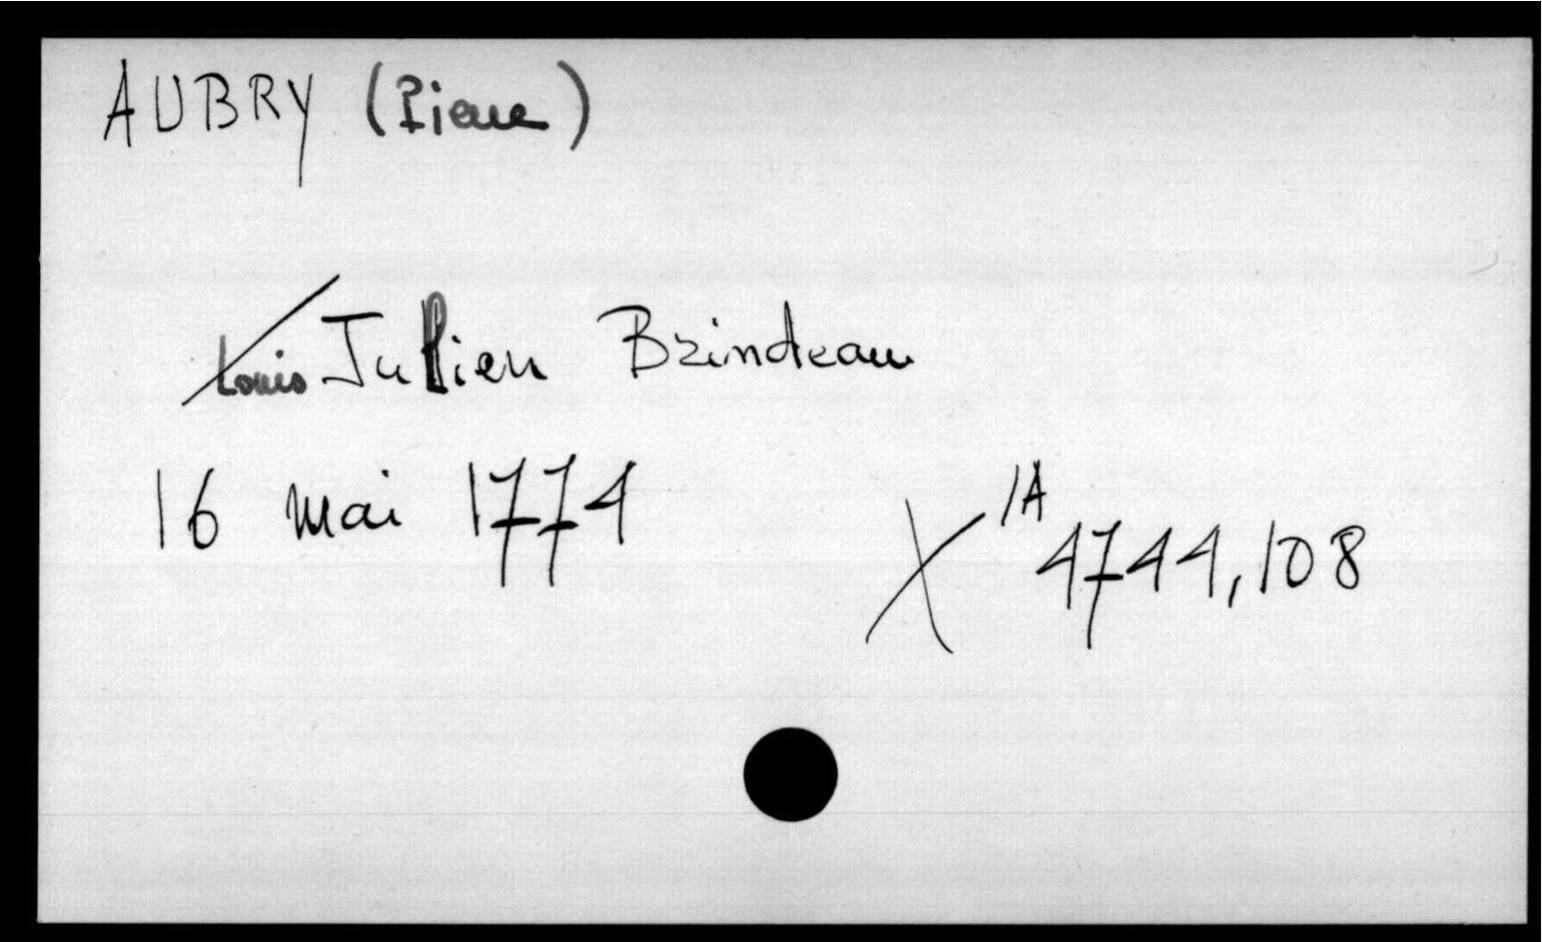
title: AUBRY (Pierre)
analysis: Louis Julien Brindeau
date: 16 mai 1774
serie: X1A
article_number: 4744
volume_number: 108
